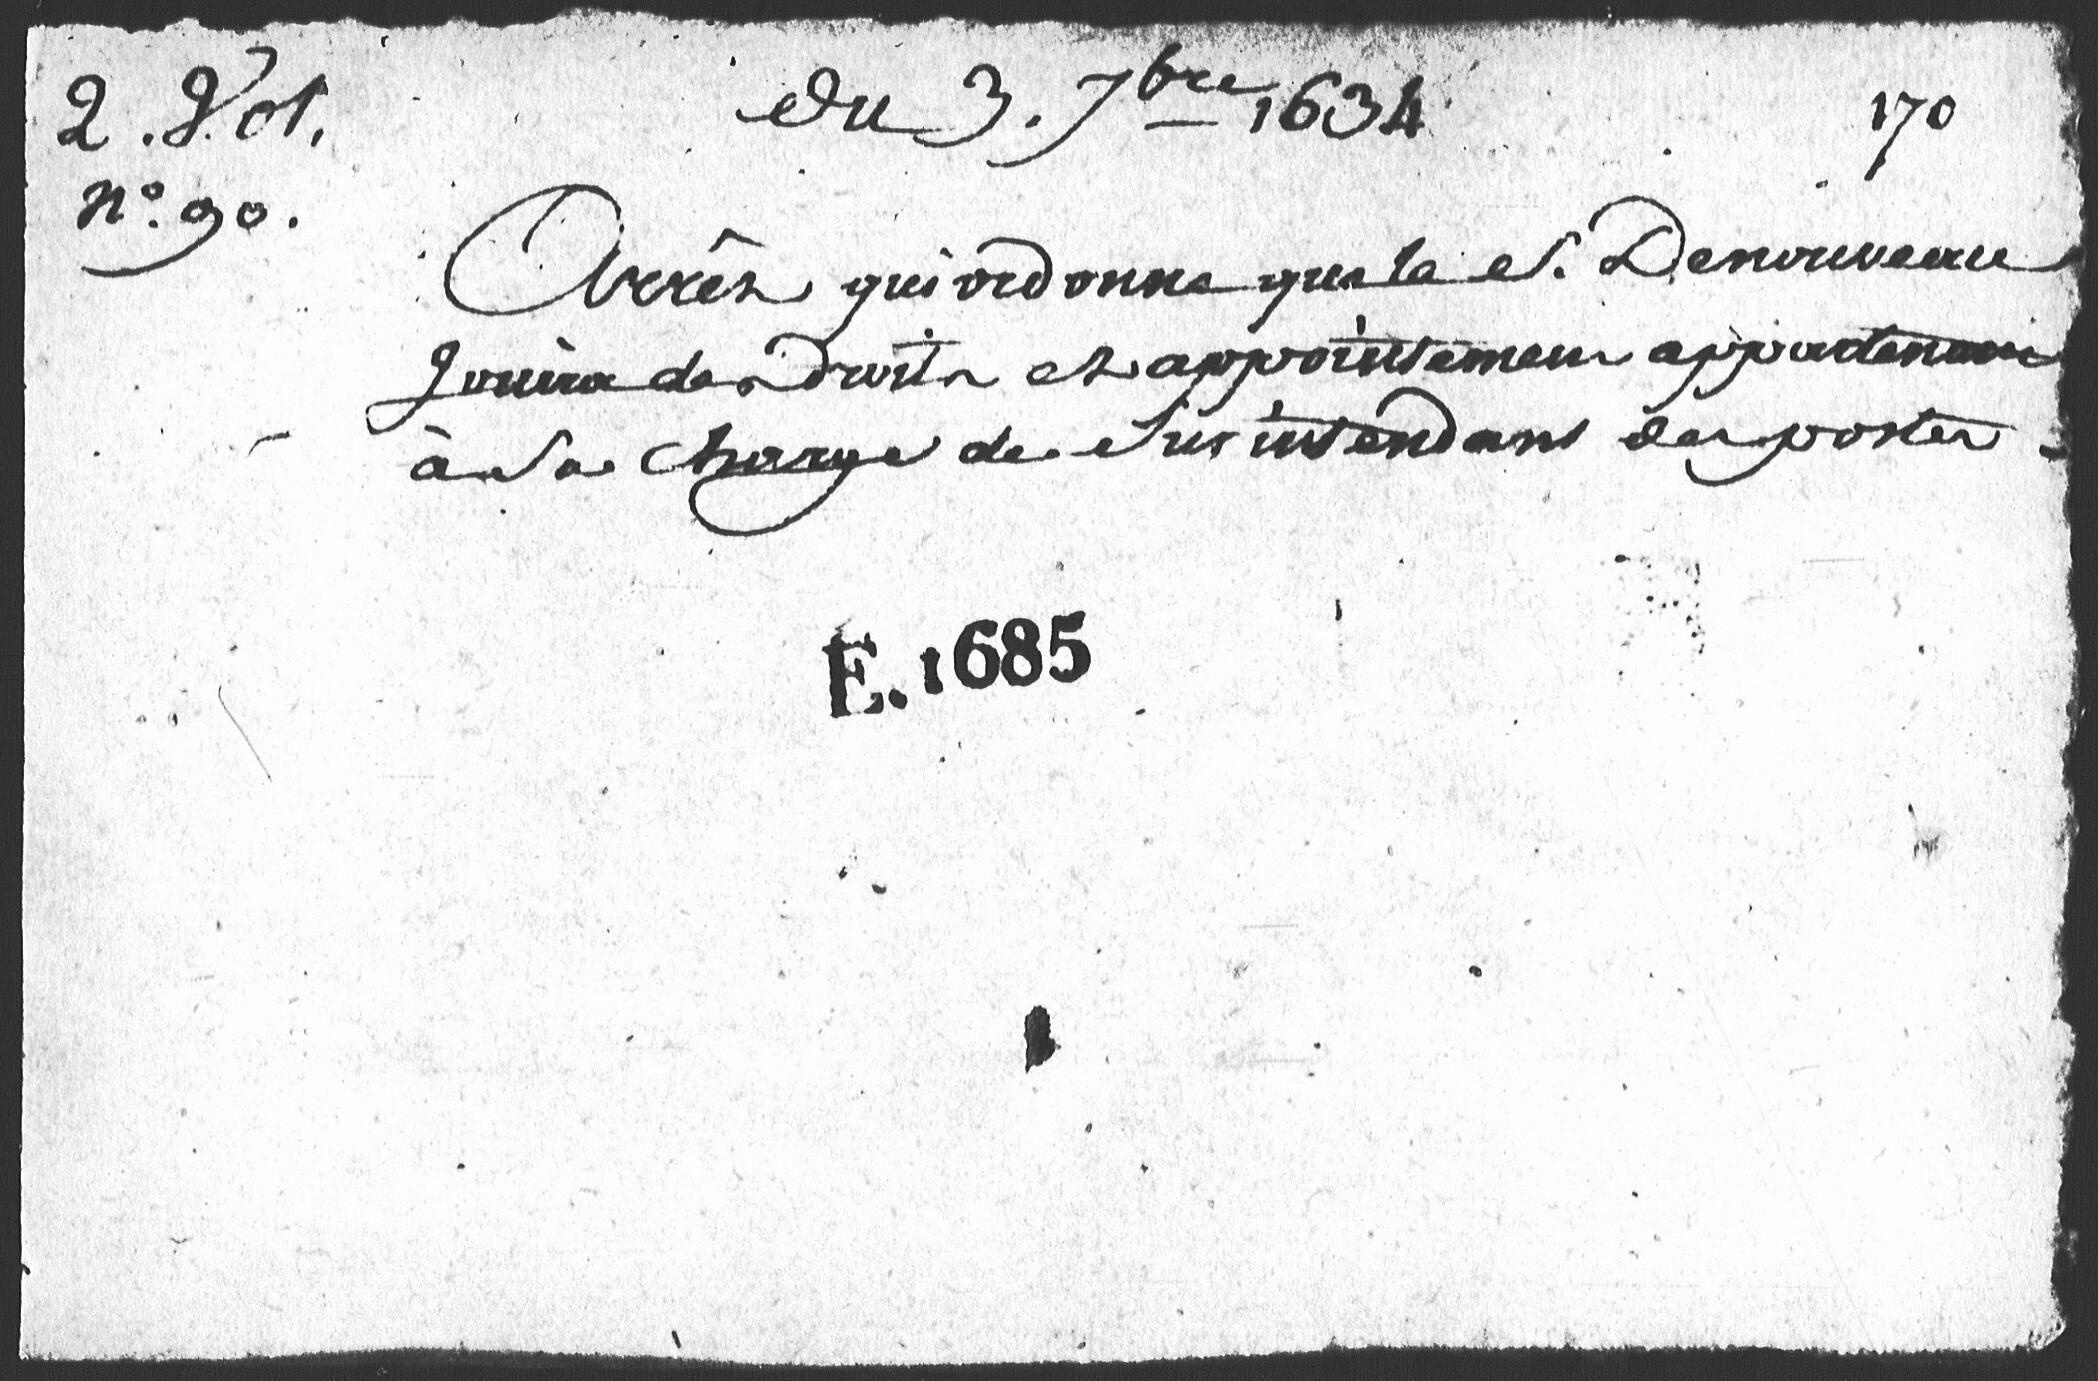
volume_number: n°90
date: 3 septembre 1634
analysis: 170
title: Arrêt qui ordonne que le S. Denouveau jouira des droits et appointemens appartenans à sa charge de surintendant des postes
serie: E
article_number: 1685
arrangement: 2. vol.
